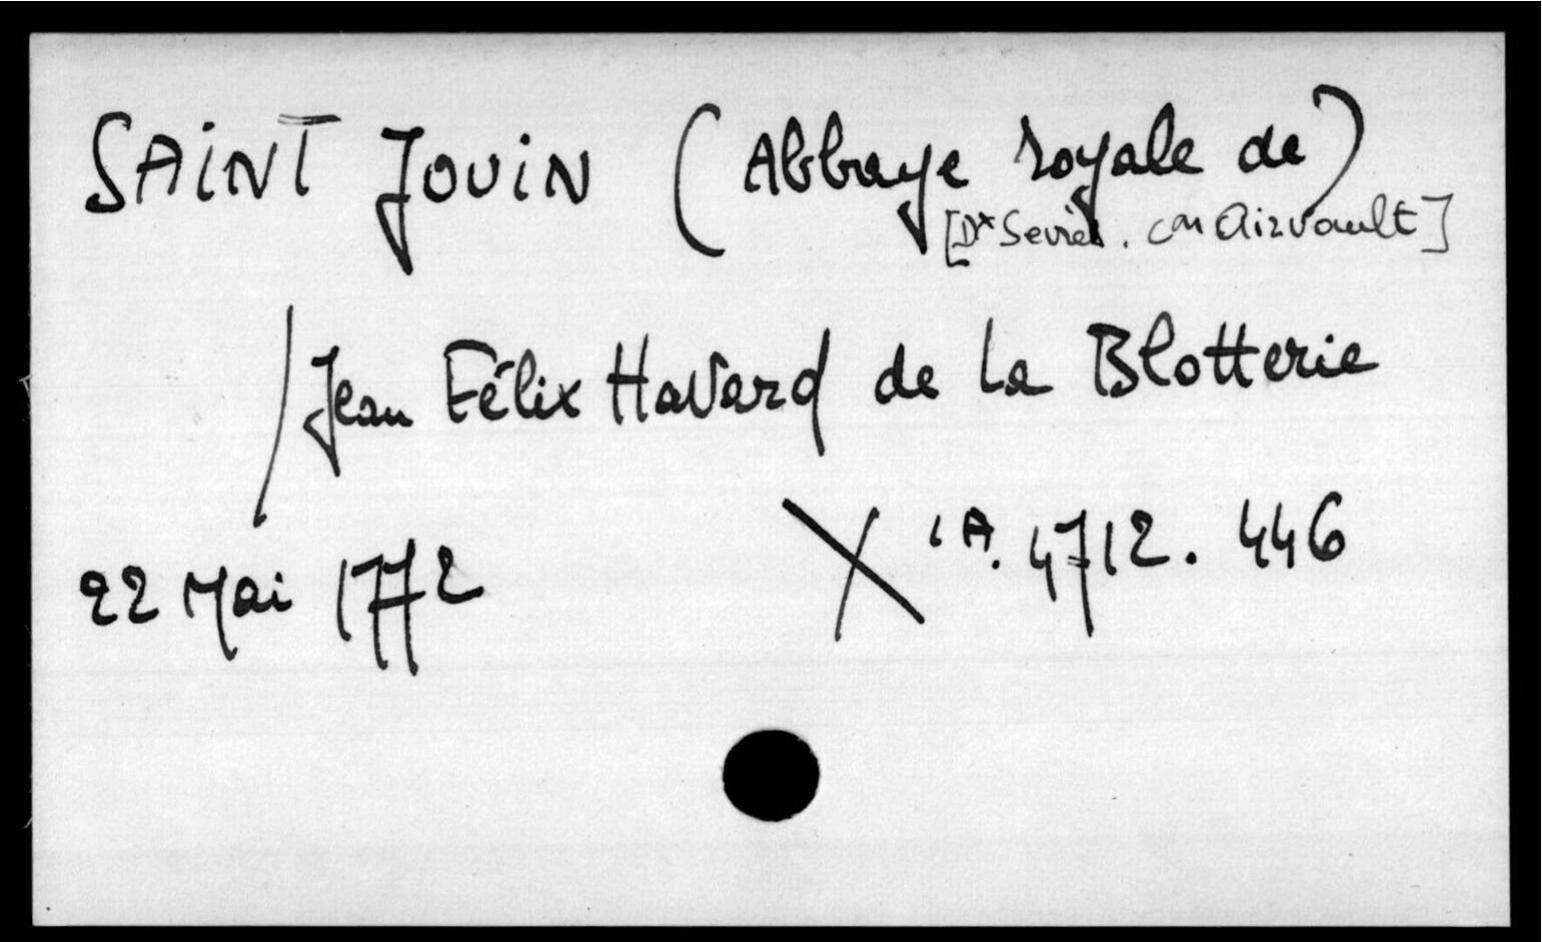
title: SAINT JOUIN (Abbaye royale de) [Deux-Sèvres, canton Airvault]
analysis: Contre Jean Félix Havard de la Blotterie
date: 22 mai 1772
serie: X1A
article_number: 4712
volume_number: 446
